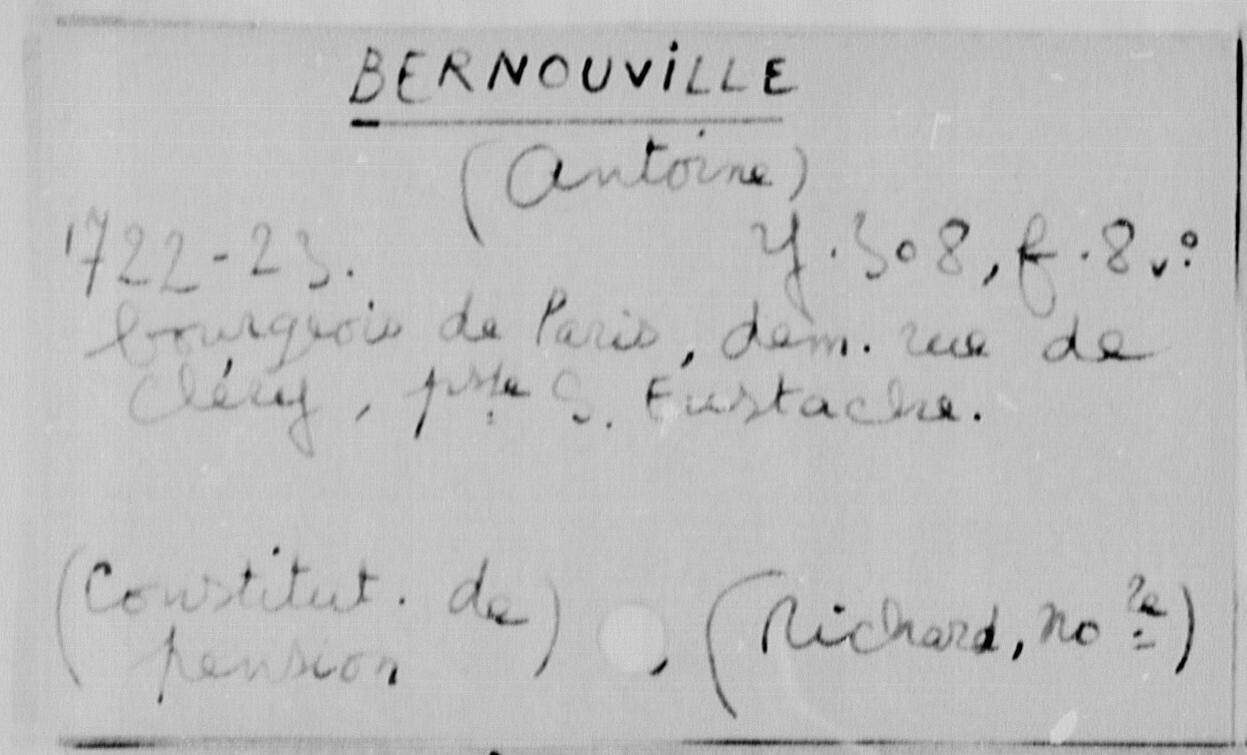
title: BERNOUVILLE (Antoine)
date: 1722-1723
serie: Y
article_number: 308
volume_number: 8v
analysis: Bourgeois de Paris, demeurant rue de Cléry, paroisse Saint-Eustache. (Constitution de pension) (Richard, notaire)
